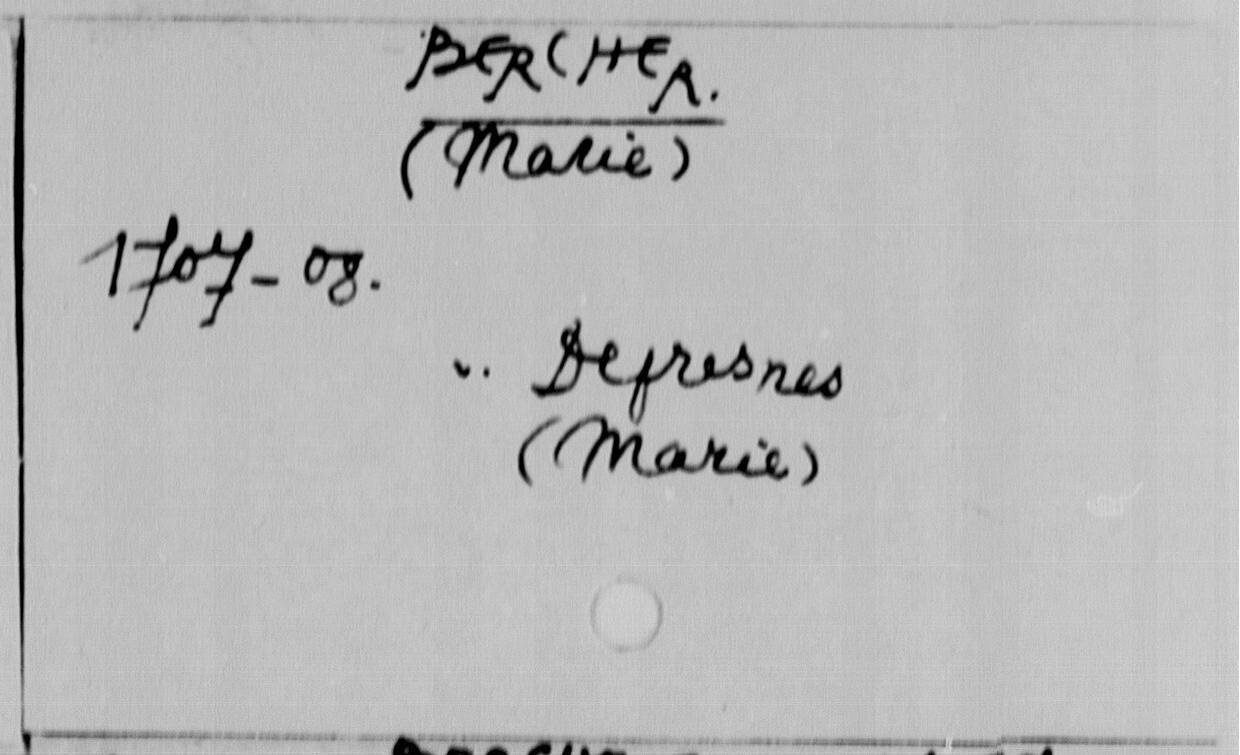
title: BERCHER (Marie)
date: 1707-1708
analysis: Voir : DEFRESNES (Marie)
